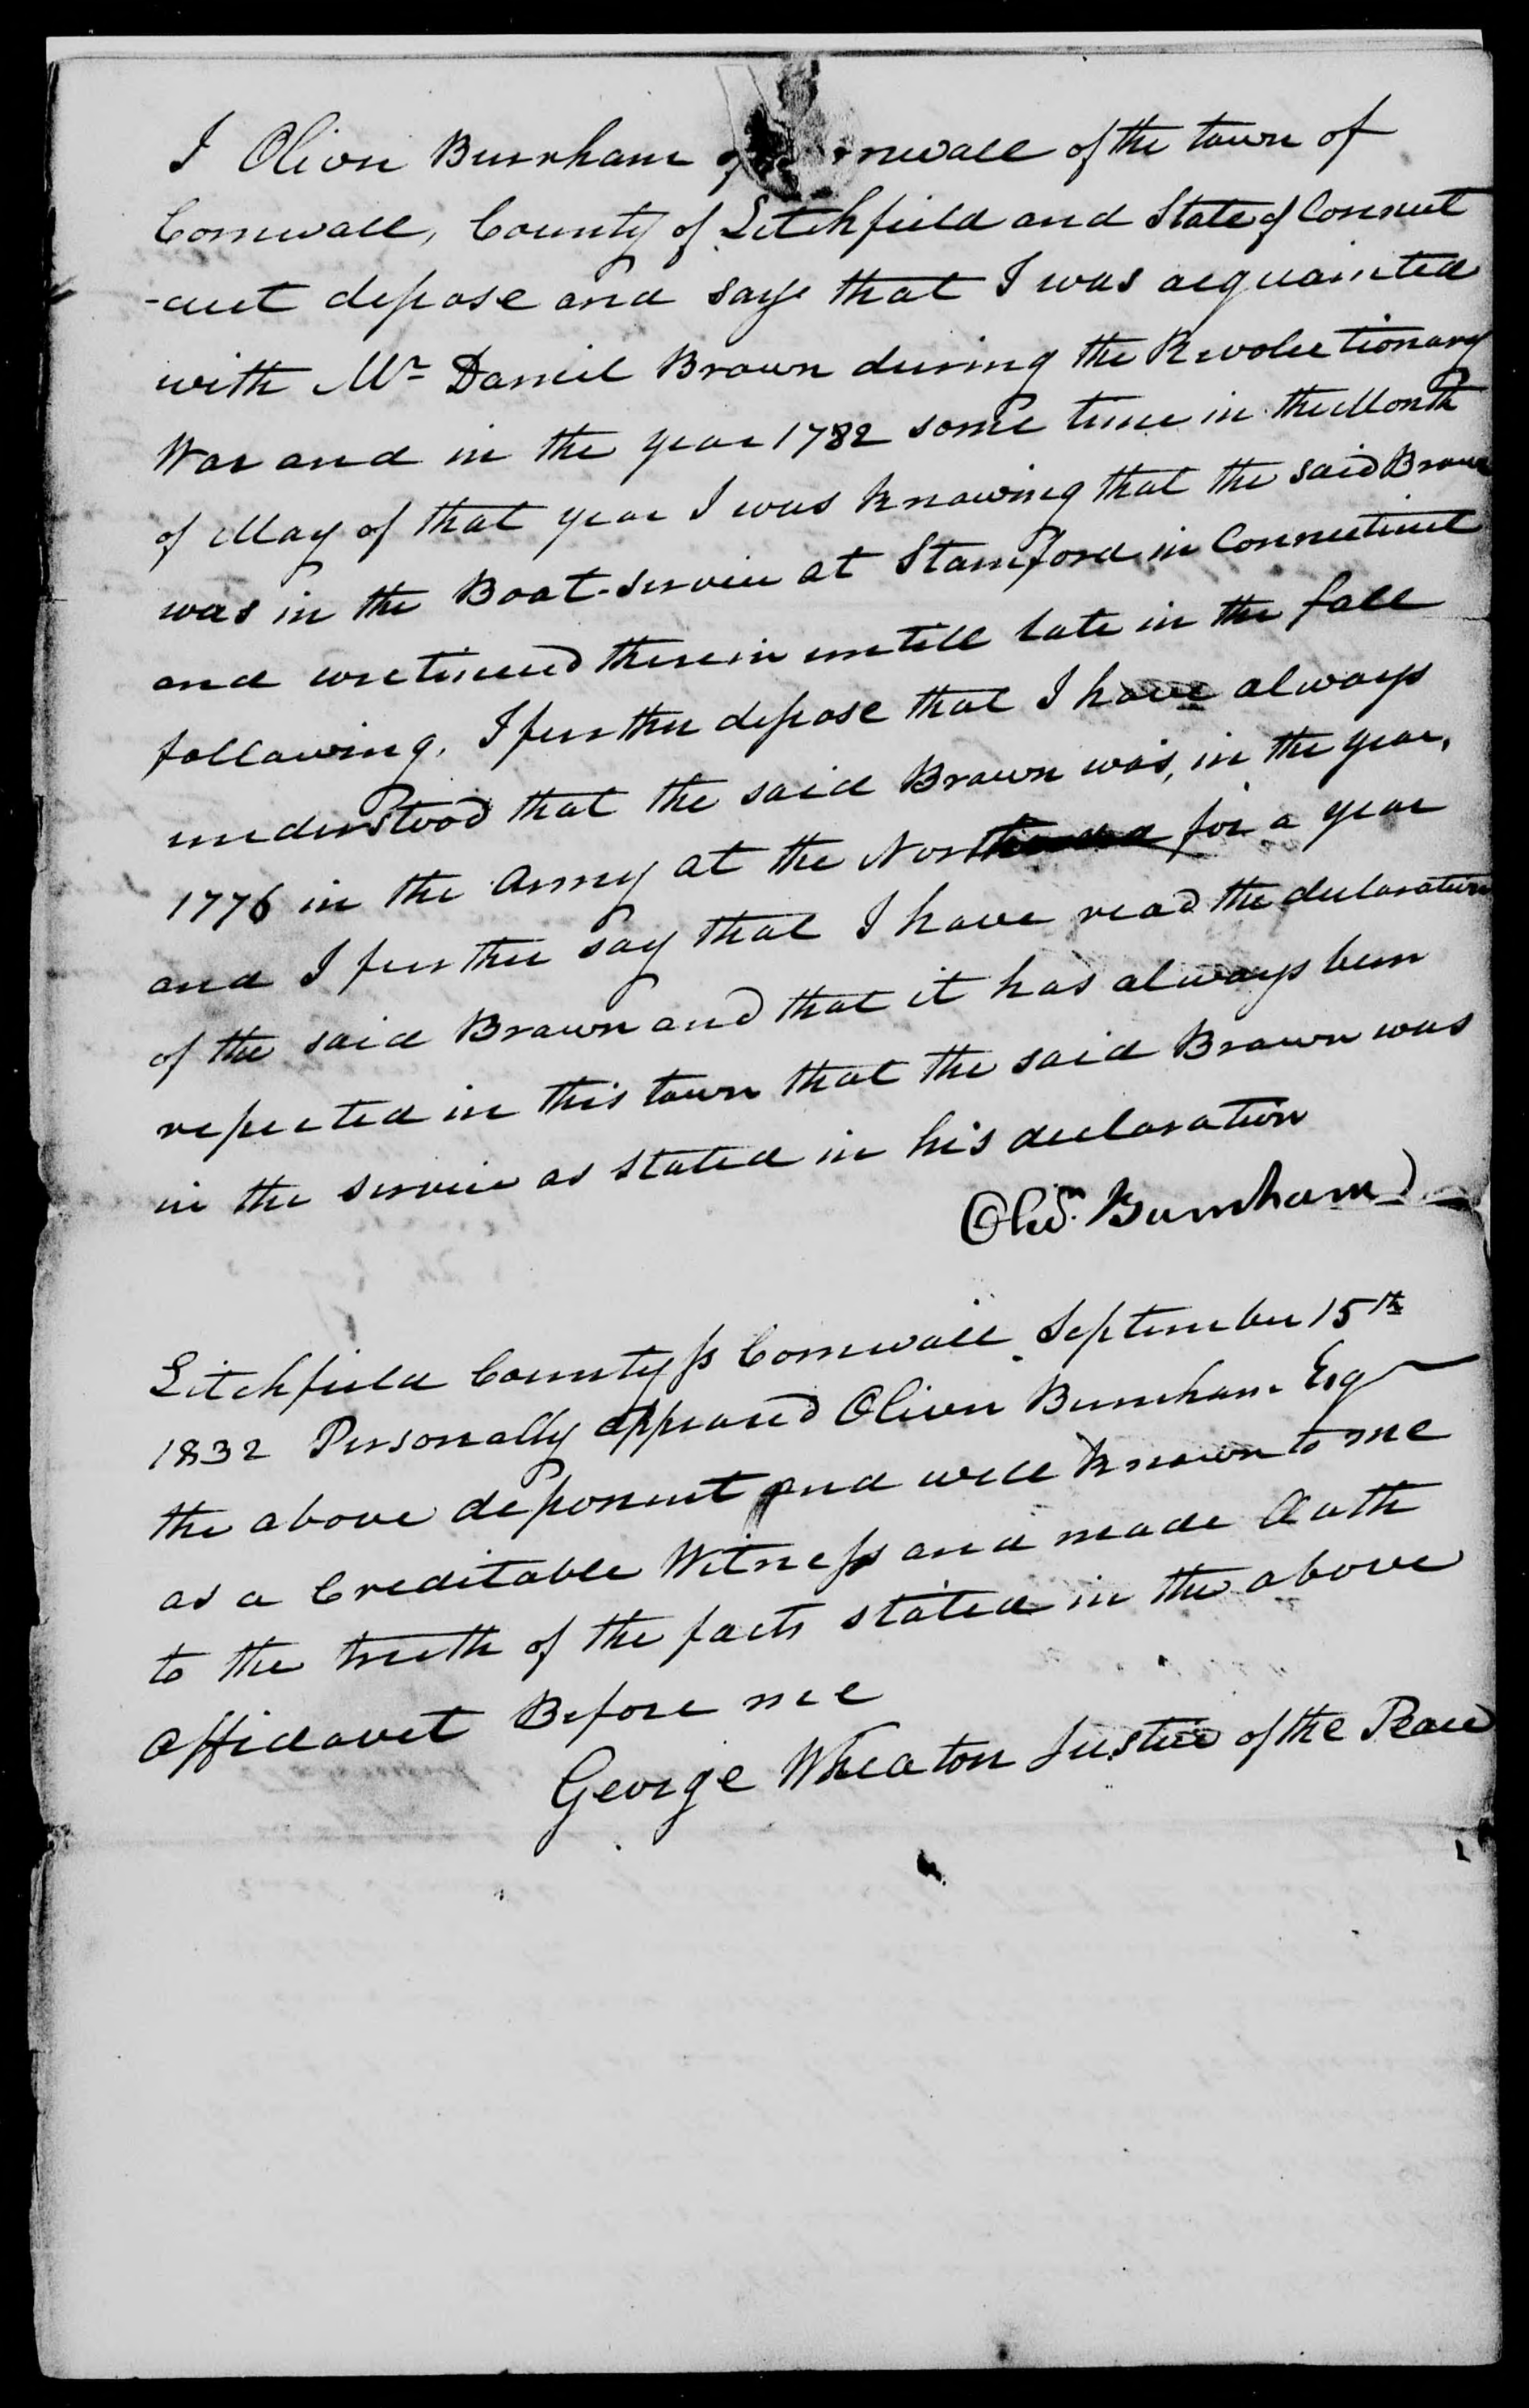I Oliren Burnham of cornwall of the town of Cornwall, County of Sitchfield and State of Connecticut depose and say that I was acquainted    
with Mr Daniel Brown during the Revolutionary 
war and in the year 1782 some twice in the month of May of that year was knowing that the said Brown was in the boat-service at Stanford in Connecticut and was .... therein until late in the fall following.  I further depose that I have always 
understood that the said Brown was, in the year,
1776 in the Army at the Northward for a year 
and I further say that I have read the declaration
of the said Brown and that it has always been
recollected in this town that the said Brown was
in the service as stated in his declaration. 

                               OHS. Burnham

Sitchfield county of Cornwall September 15th
1832 personally appeared Oliren Burnham. 
The above deponent and will ..... to one 
as a creditable witness and made a oath
to the truth of the facts stated in the above
affidavit before me.

        George Wheaton Justice of the Peace.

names: Oliver Burnham, Olivr Burnham, Brown, Daniel Brown, Oliver Burnham, George Wheaton, Brown, Brown, Brown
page: 21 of 37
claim: widow's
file: W. 20,787, Daniel Brown, Conn. Navy.